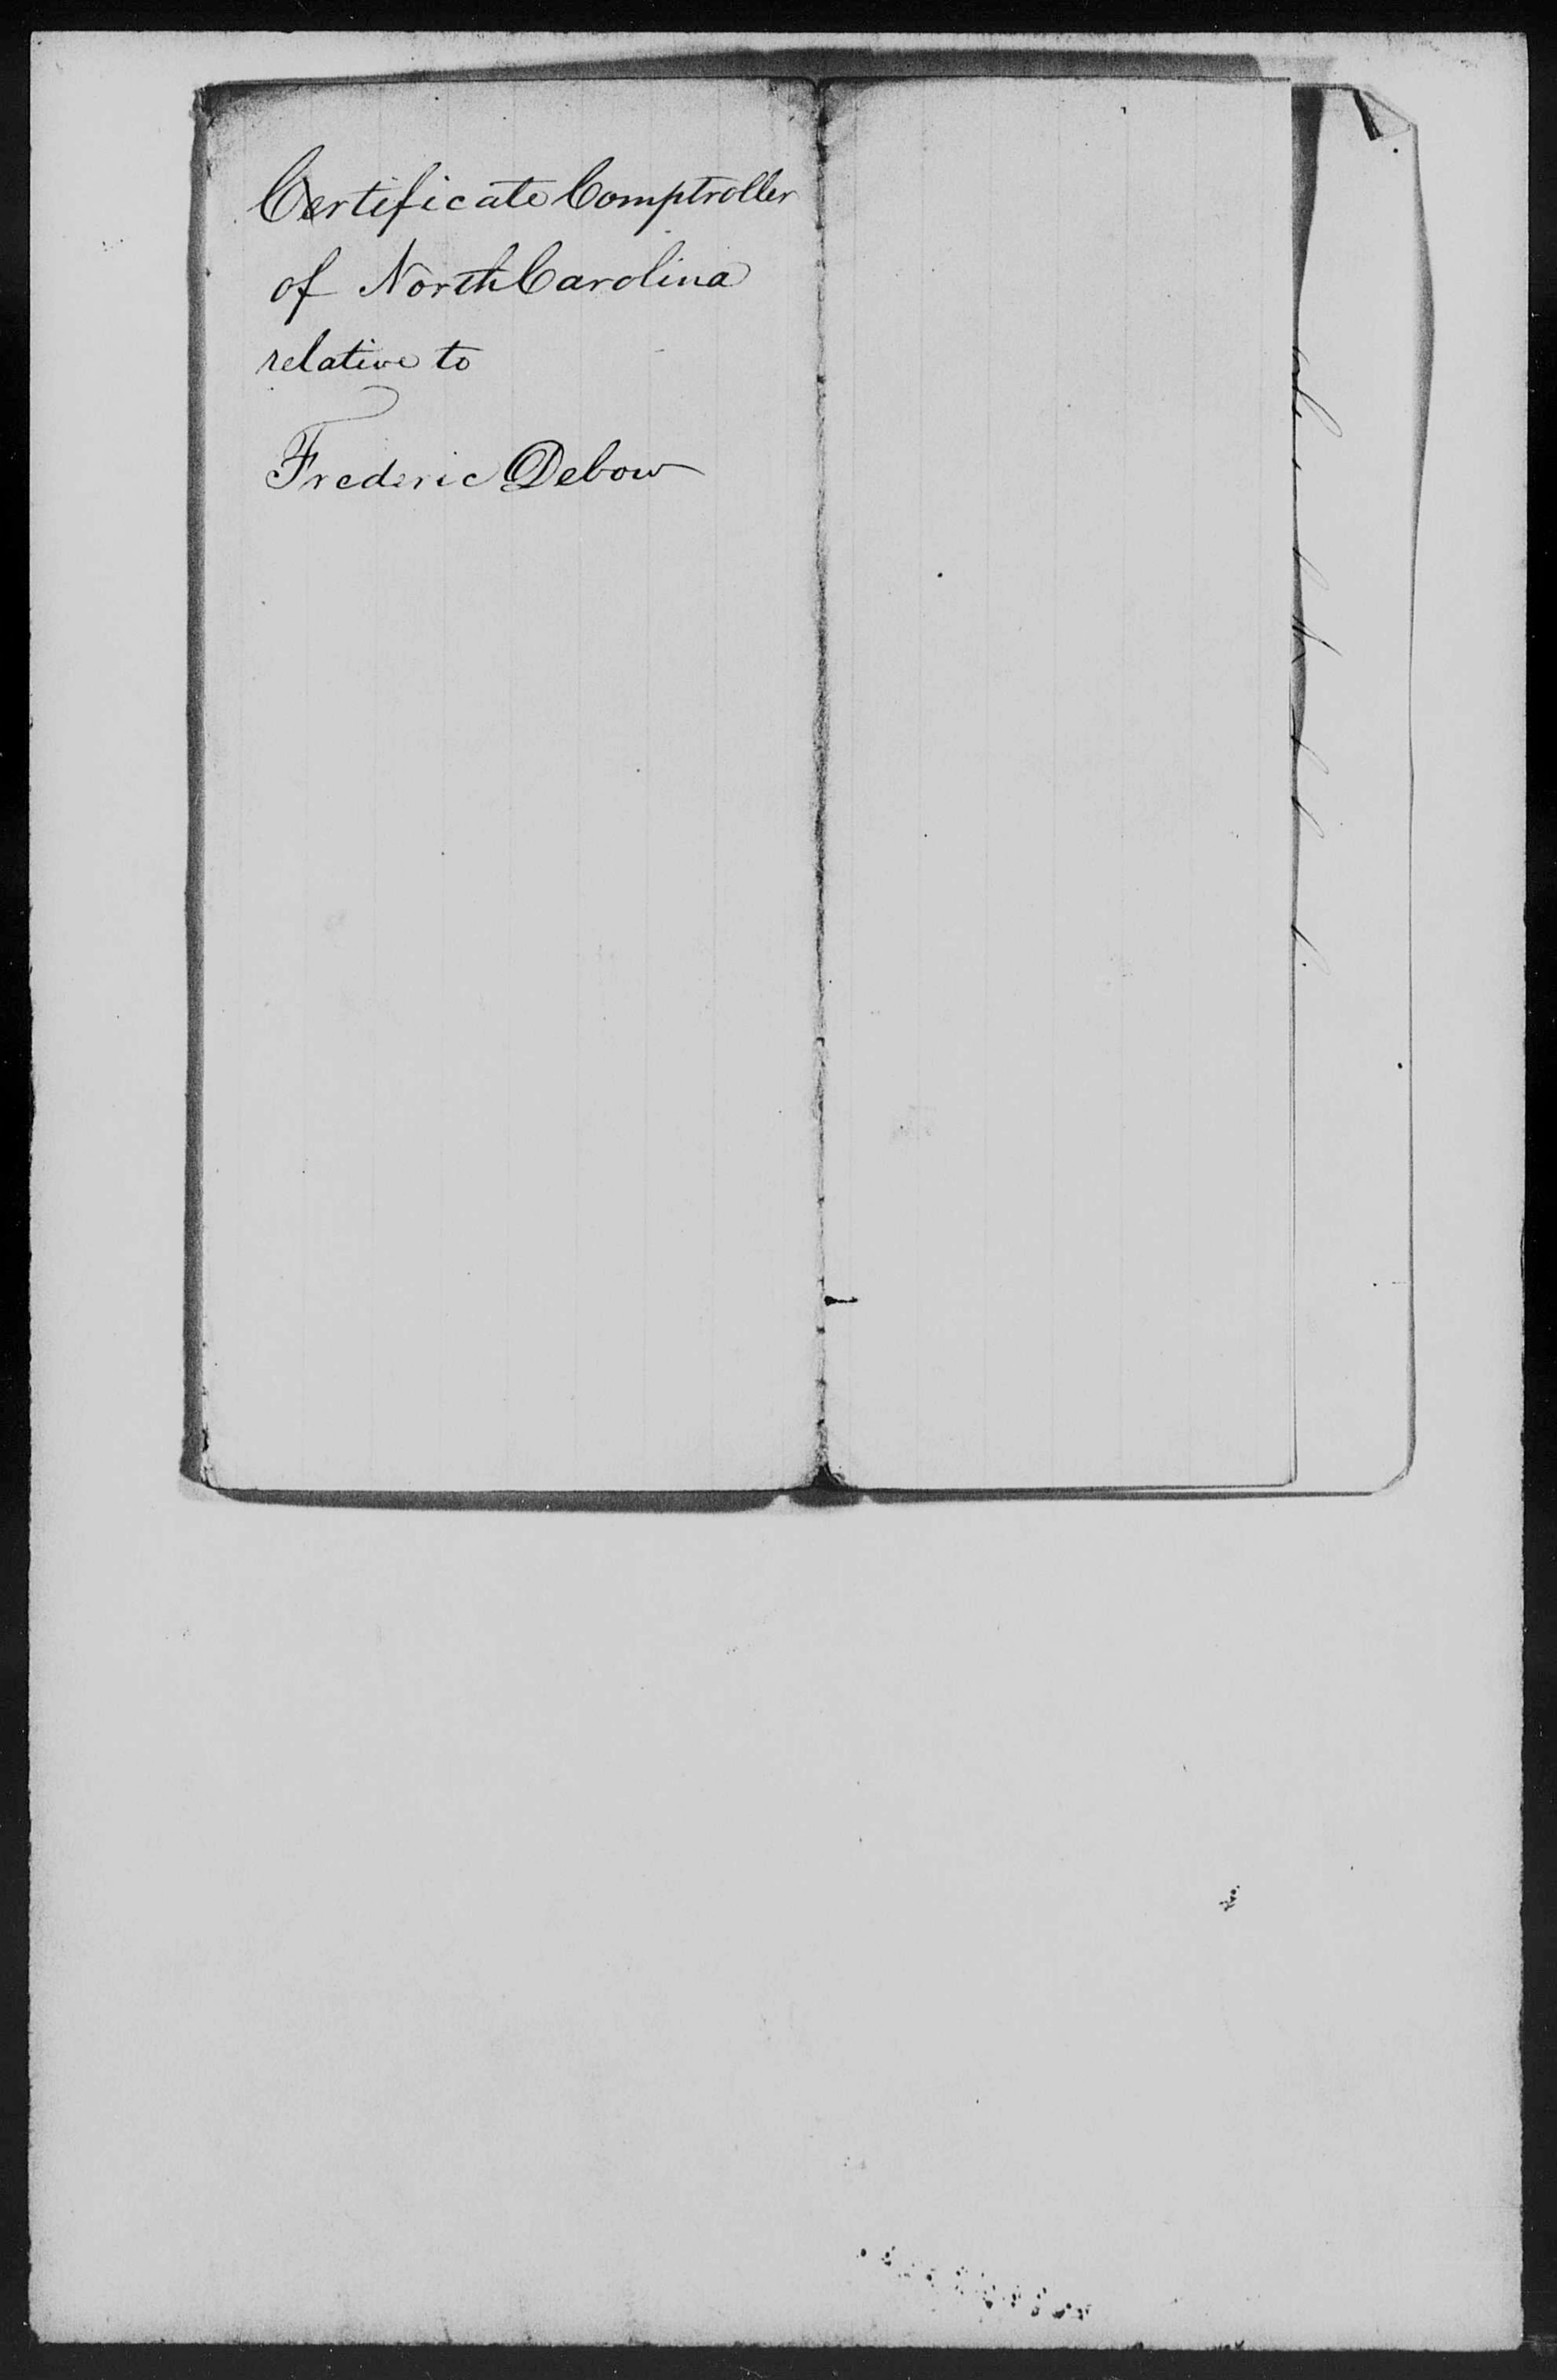Certificate Comptroller
Of North Carolina
Relative to 
Frederick Debow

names: Frederic Debow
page: 12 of 62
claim: widow's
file: W 7005, Frederick Debow, N.C.